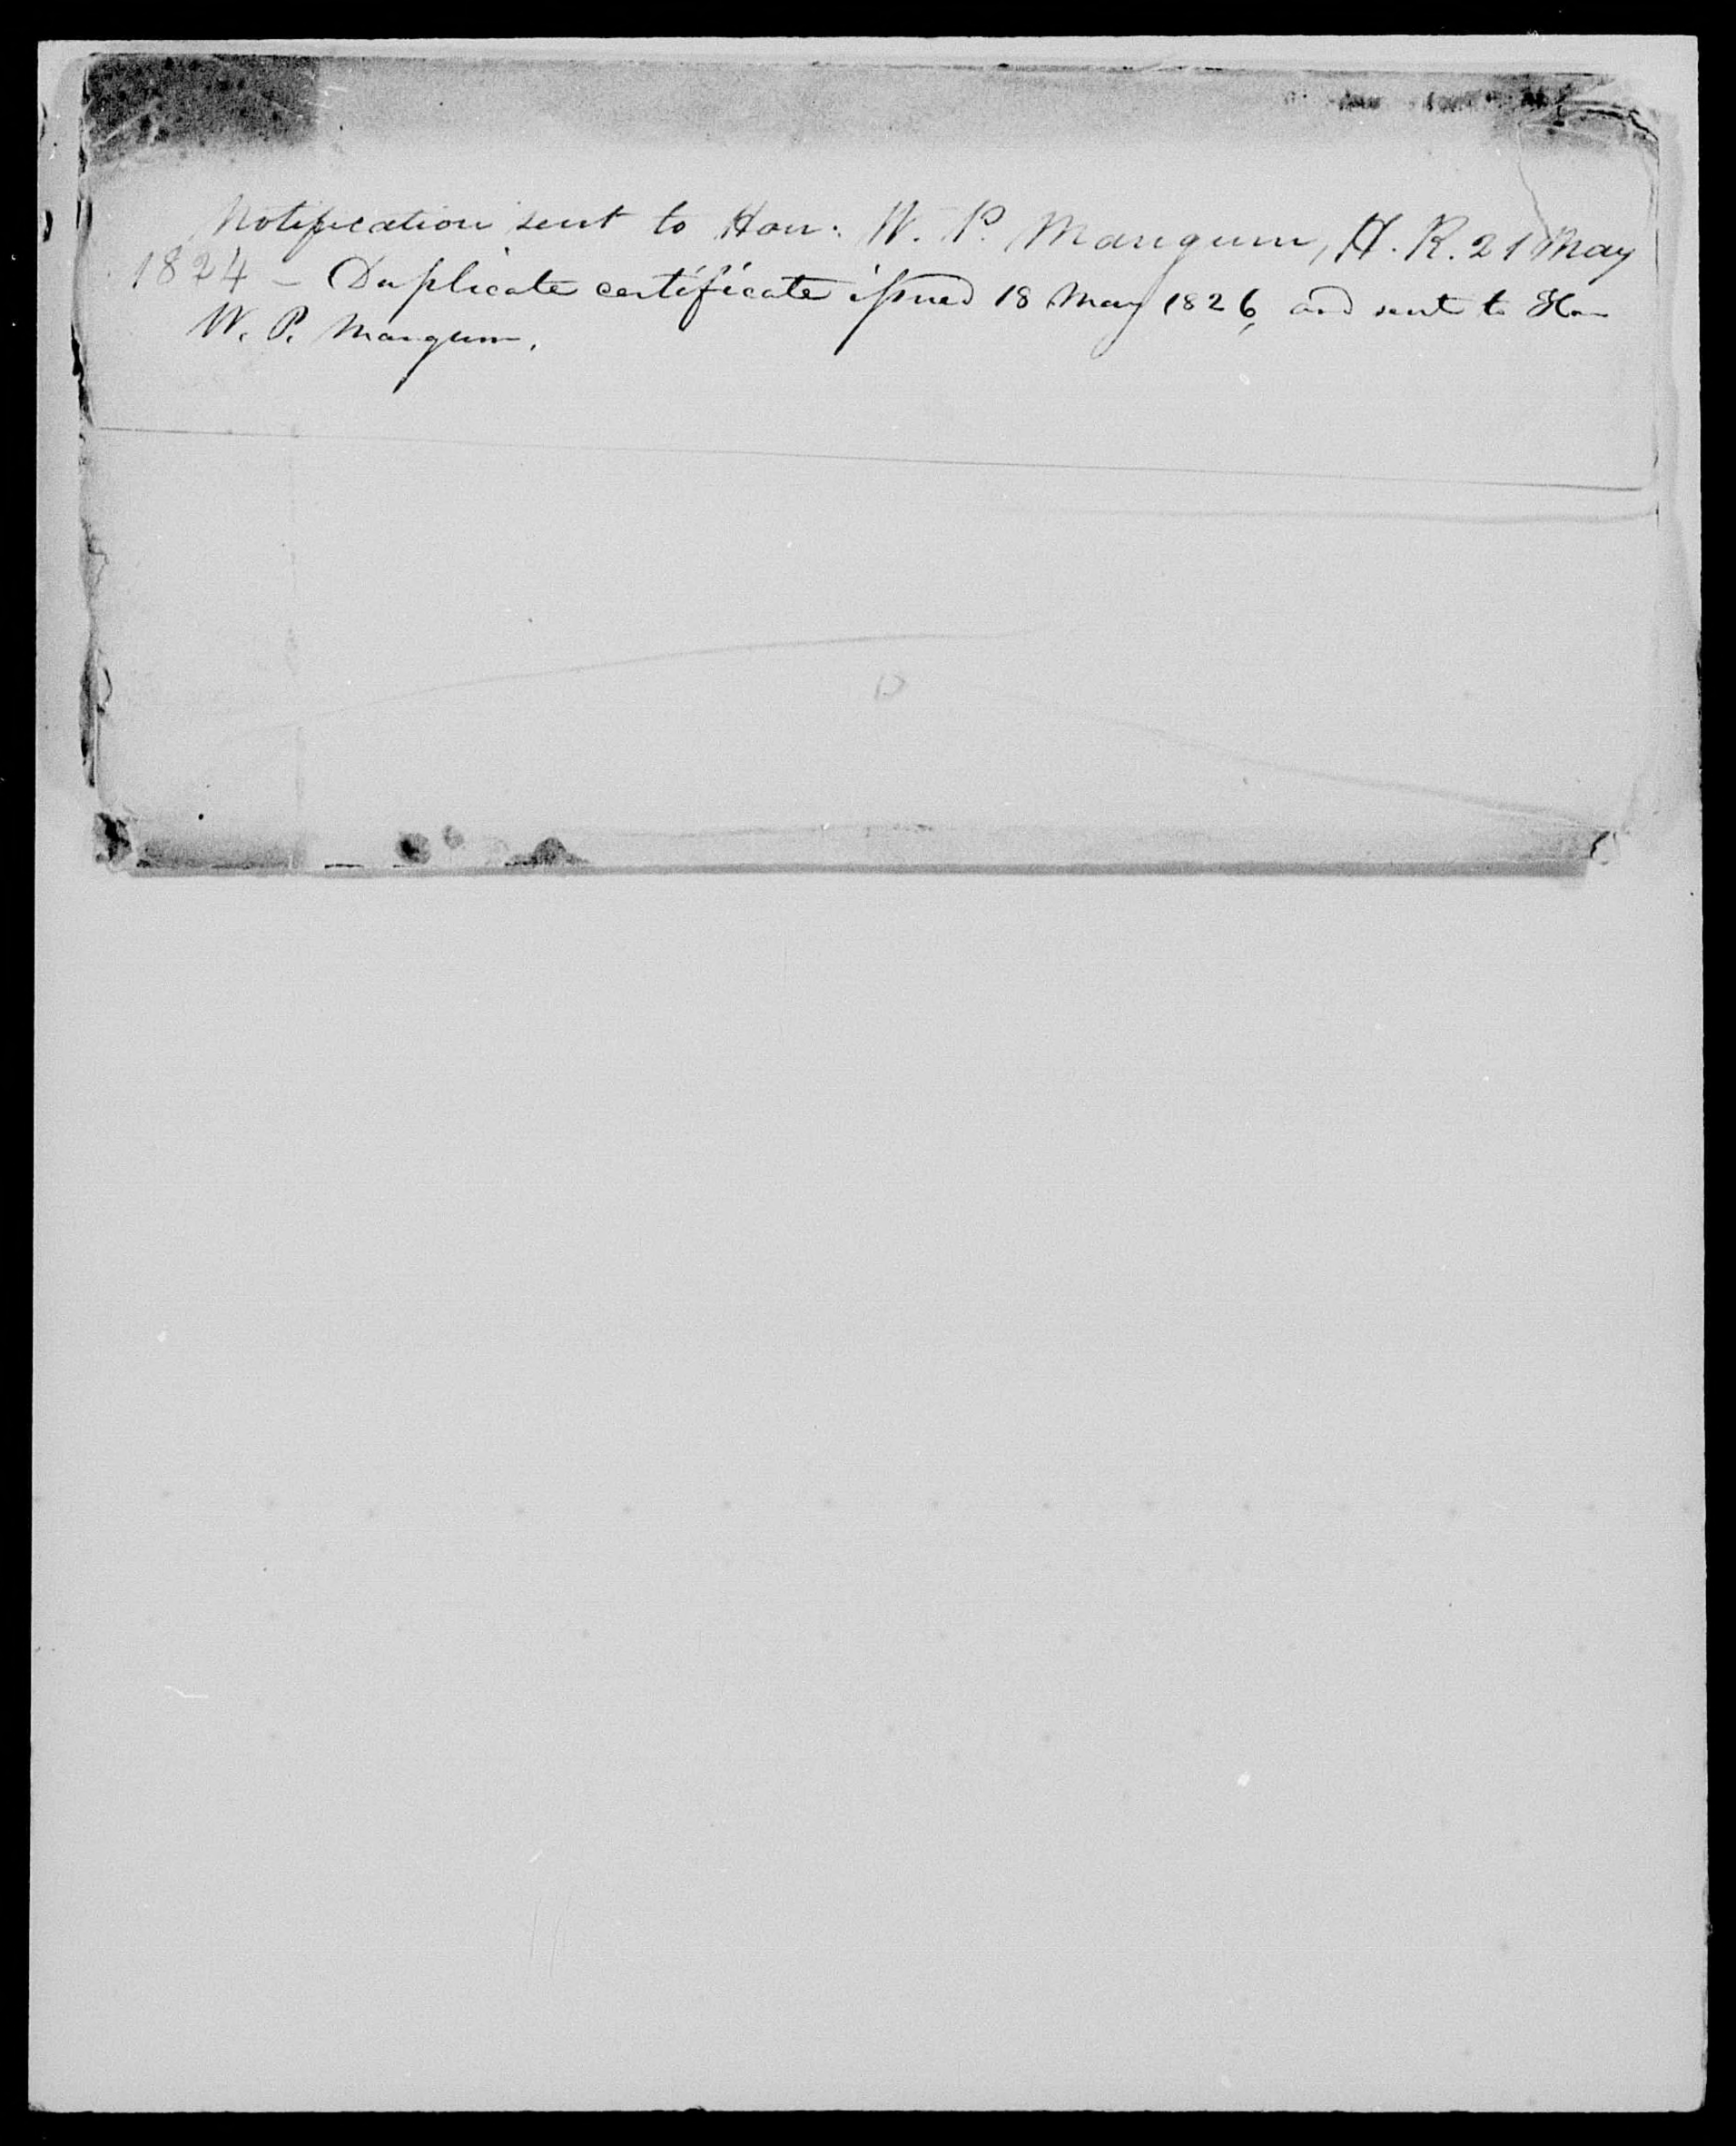Notification sent to Hon. W.P. Mangum, H.R. 21 May 1824 - Duplicate certificate found 18 May 1826, and sent to Hon. W.P. Mangum.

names: W P Mangum, W P Mangum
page: 3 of 49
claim: survivor's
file: S. 41513, George Duncan, N.C.